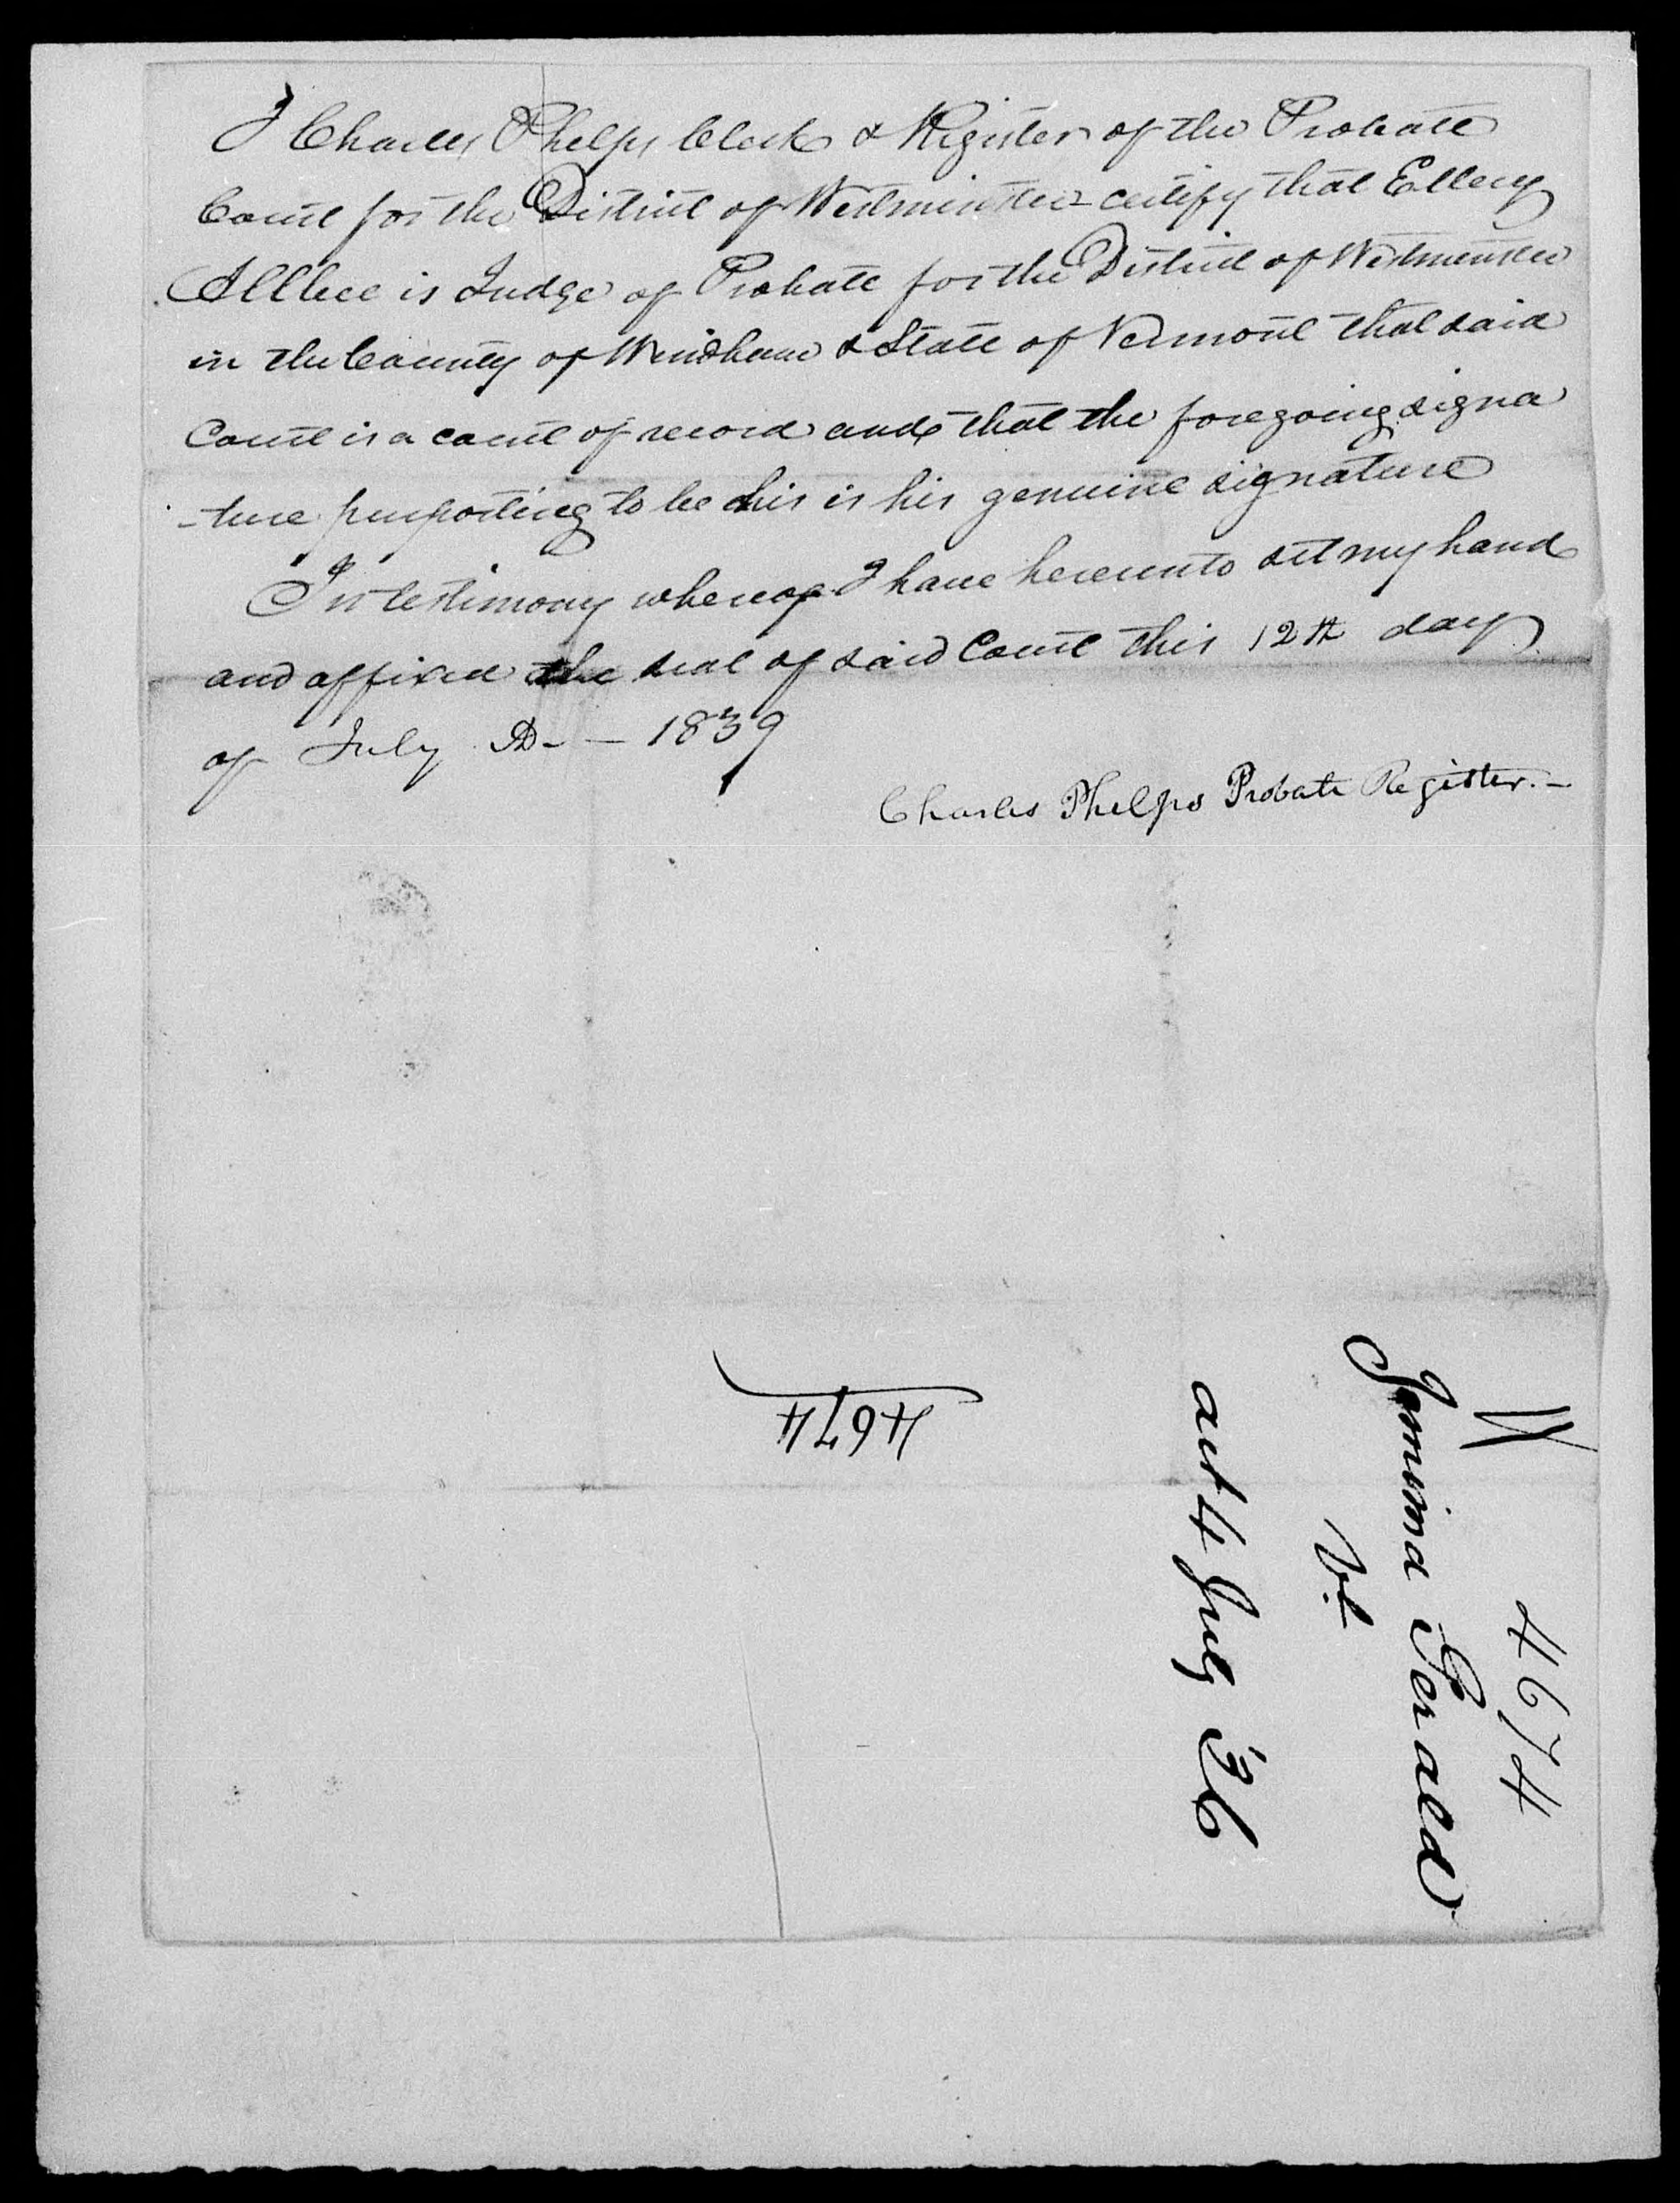I Charles Phelps Clerk & Register of the Probate Court of the District of Westminster certify that Ellery Allbee is Judge of Probate for the District of Westminster in the County of Windham & State of Vermont that said (illegible) is a (illegible) of record and that the foregoing signature purporting to be his is his genuine signature.
In testimony whereof I have hereunto set my hand and affixed the seal of said Court this 12th day of July A.D. 1839
Charles Phelps Probate Register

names: Ellery Allbee, Jemima Gerald, Charles Phelps, Charles Phelps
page: 4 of 26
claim: widow's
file: W. 25619, Gamaliel Gerald, Mass.